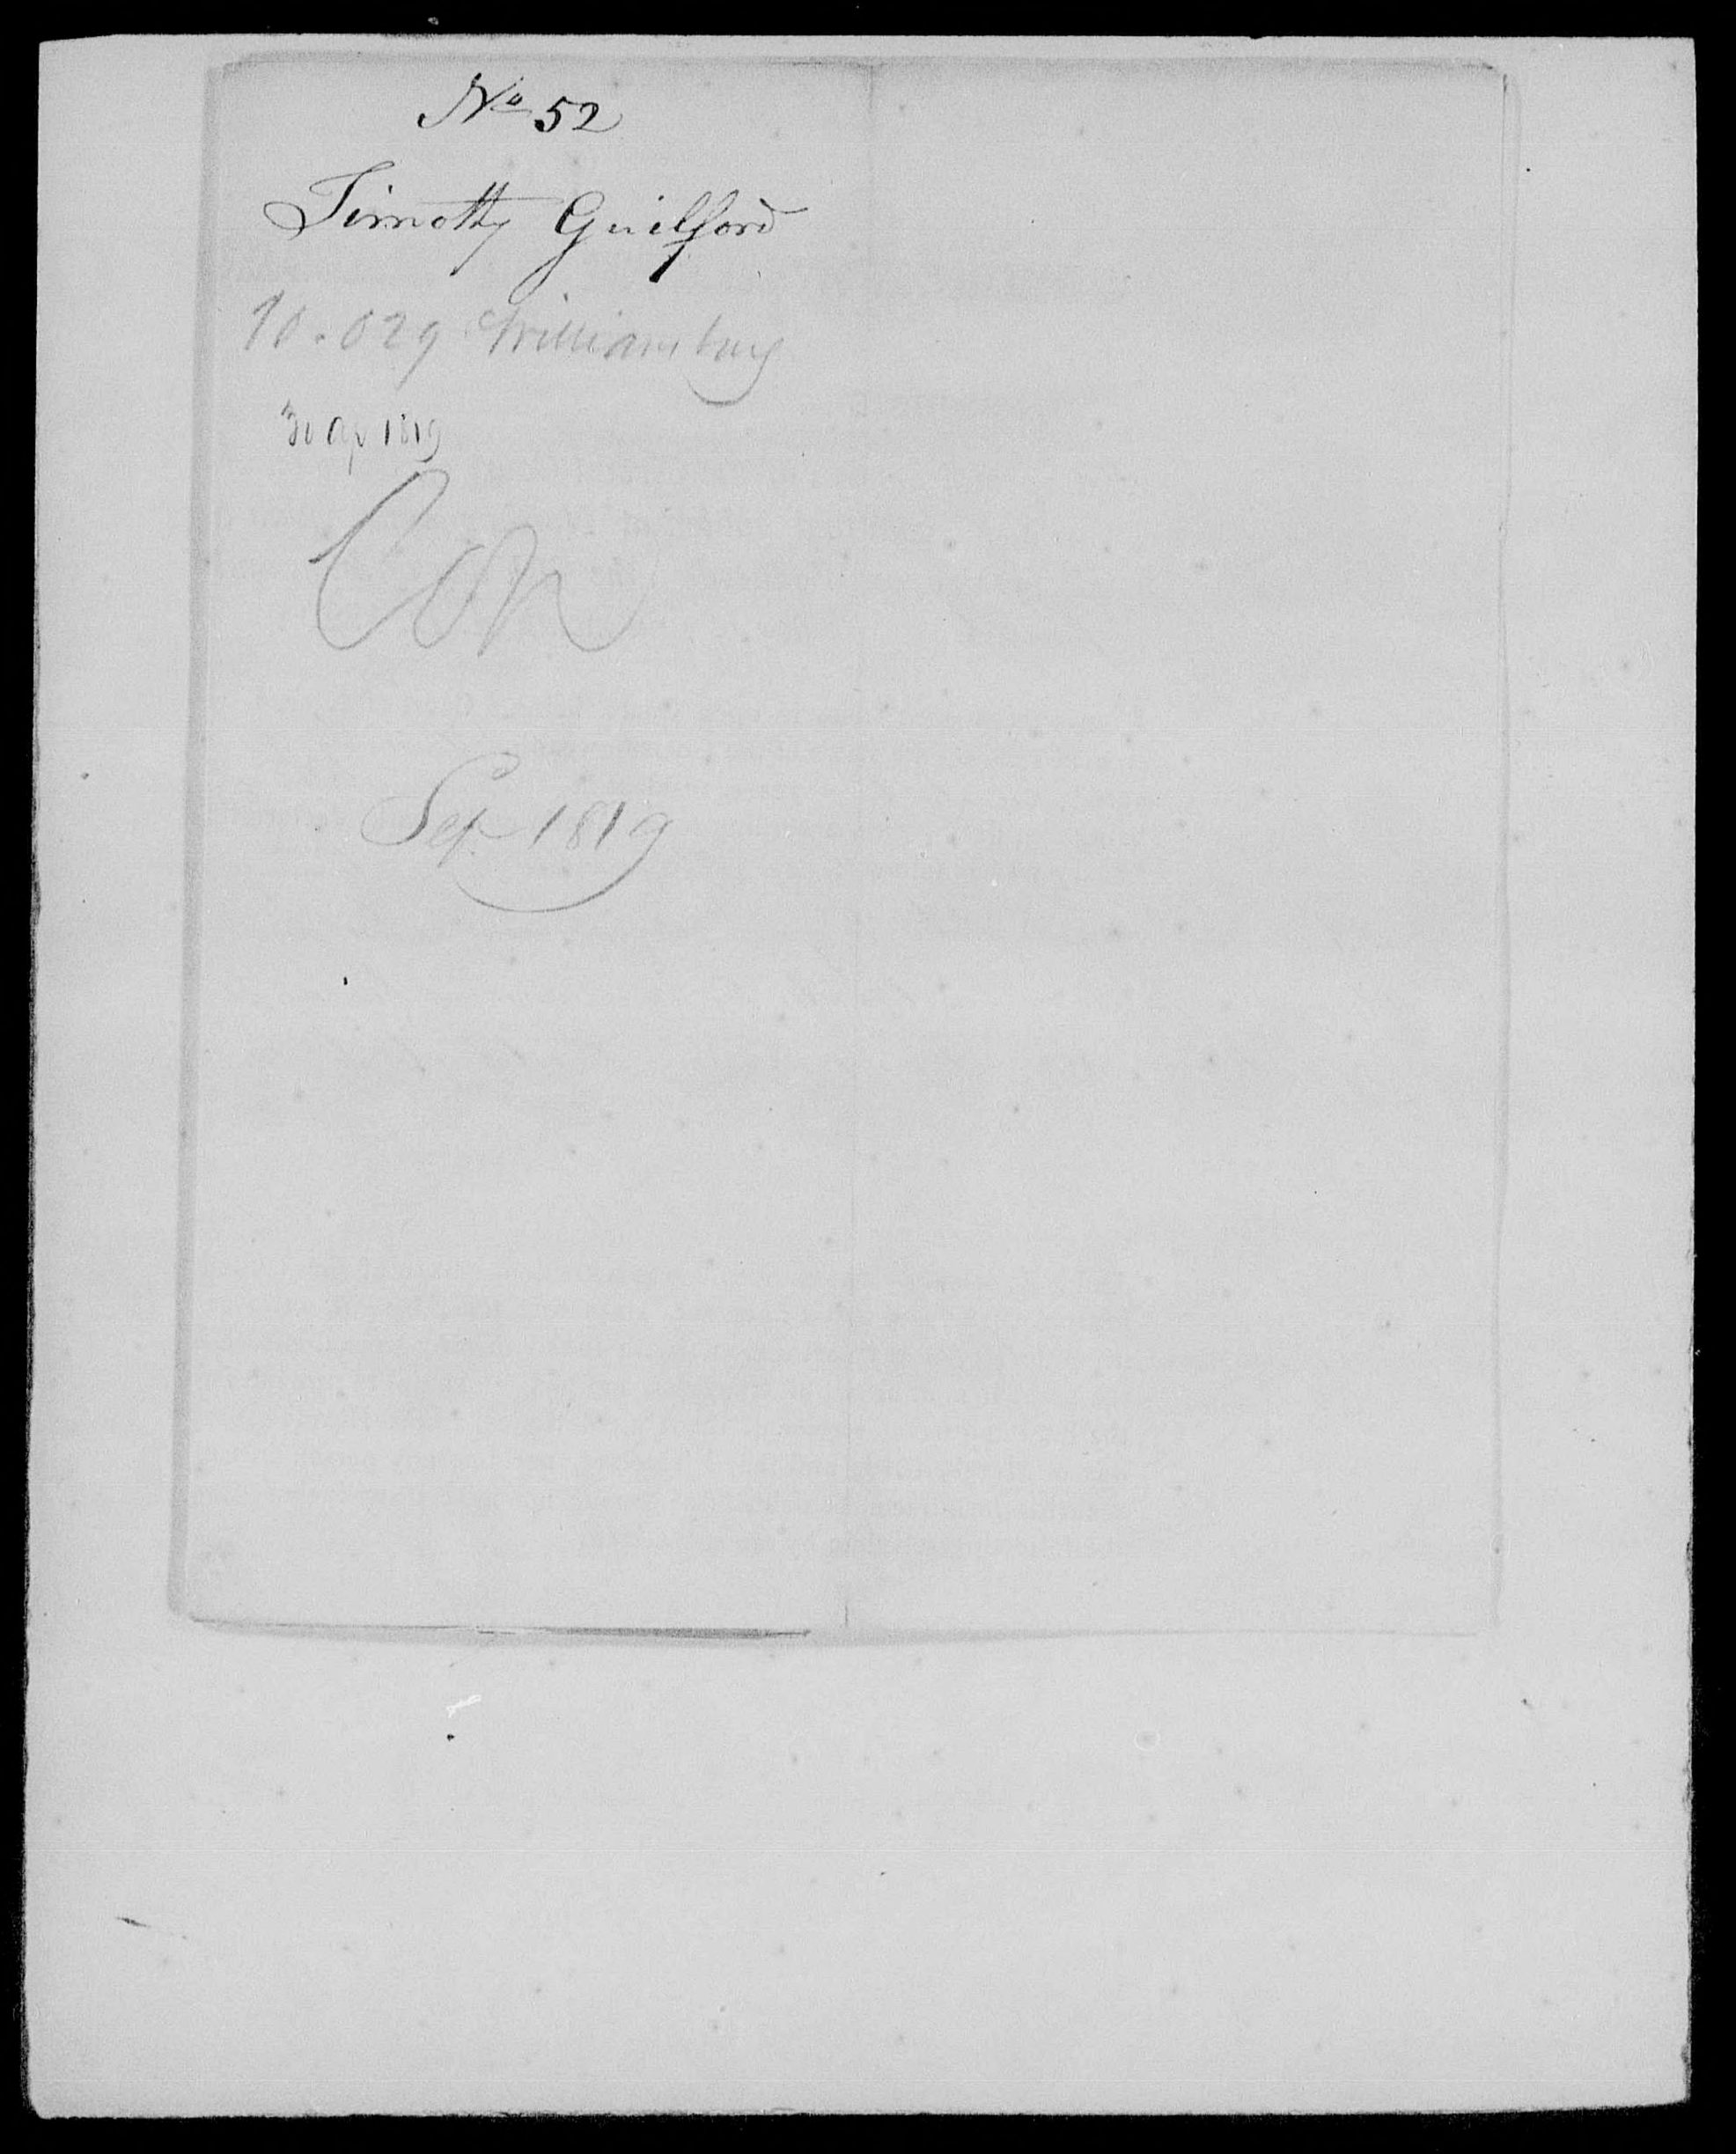No.52
Timothy Guilford
70.029 Williamsburg

20 Apl 1819

Con
Sep 1819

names: Timothy Guilford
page: 7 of 26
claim: widow's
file: W. 21,238, Timothy Guilford, Mass.